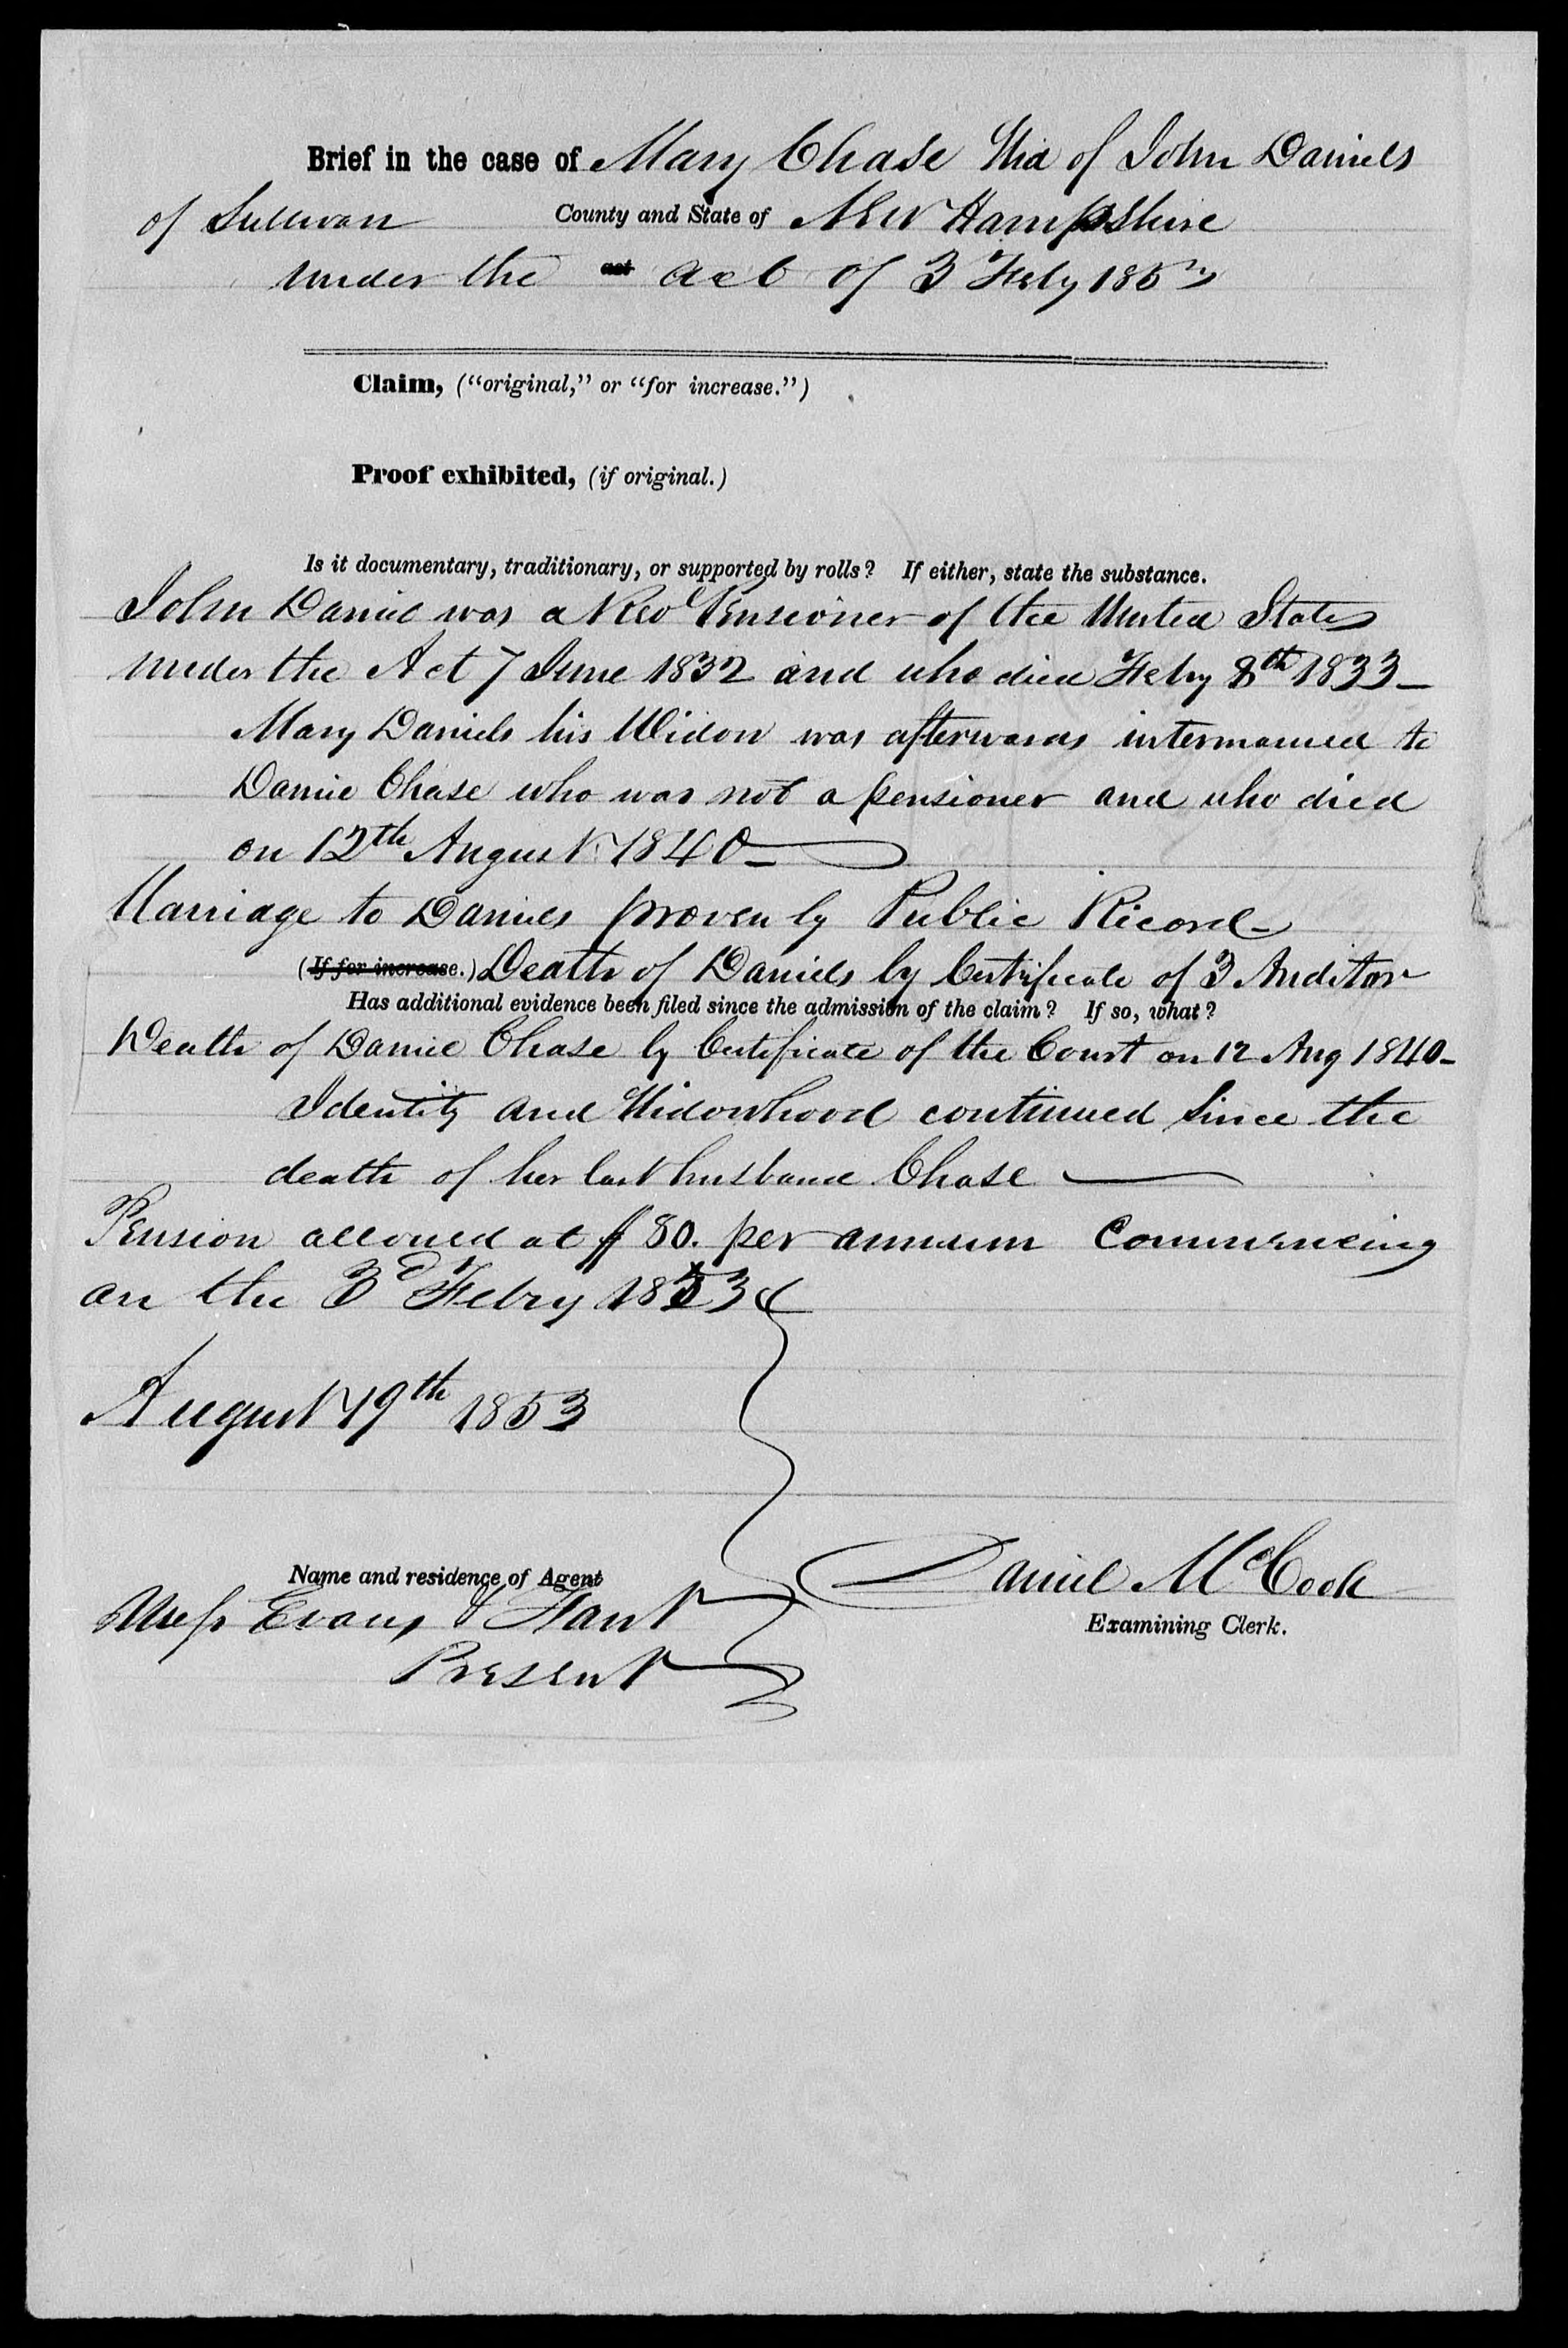Brief in the case of Mary Chase Wid of John Daniels
of Sullivan County and State of New Hampshire
under the act of 3 July 1853

Claim ("Original, or for increase.)

Proof exhibited, (if original.)

Is it document, tradionary, or supported by rolls? If either, state the substance.
John Daniel was a Rev Pensioner of the United States
under the Act 7 June 1832 and who died Feby 8th 1833
Mary Daniels his widow was afterwards intermarried to
Daniel Chase who was not a pensioner and who died
on 12th August 1840.
Marriage to Daniels proven by Public Record.
Death of Daniels by Certificate of 3 Auditors
Has additional evidence been filed since the admission of the claim? If so, what?
Death of Daniel Chase by Certificate of the Court on 12 Aug 1840-
Identity and Widowhood continued since the
death of her last husband Chase.
Pension allowed at $80 per annum commencing
on the 3d Febry 1853.

August 19th 1853
Name and residence of Agent: Mss. Evans & Fant
Present

Daniel McCook
Examining Clerk.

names: Daniel Chase, Daniels, Fant, Daniel Mc Cook, John Daniels, Evans, Daniel Chase, Daniels, John Daniels, Mary Chase, Chase, Mary Daniels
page: 21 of 43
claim: widow's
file: W 683, John Daniels, Continental Mass. N.H.